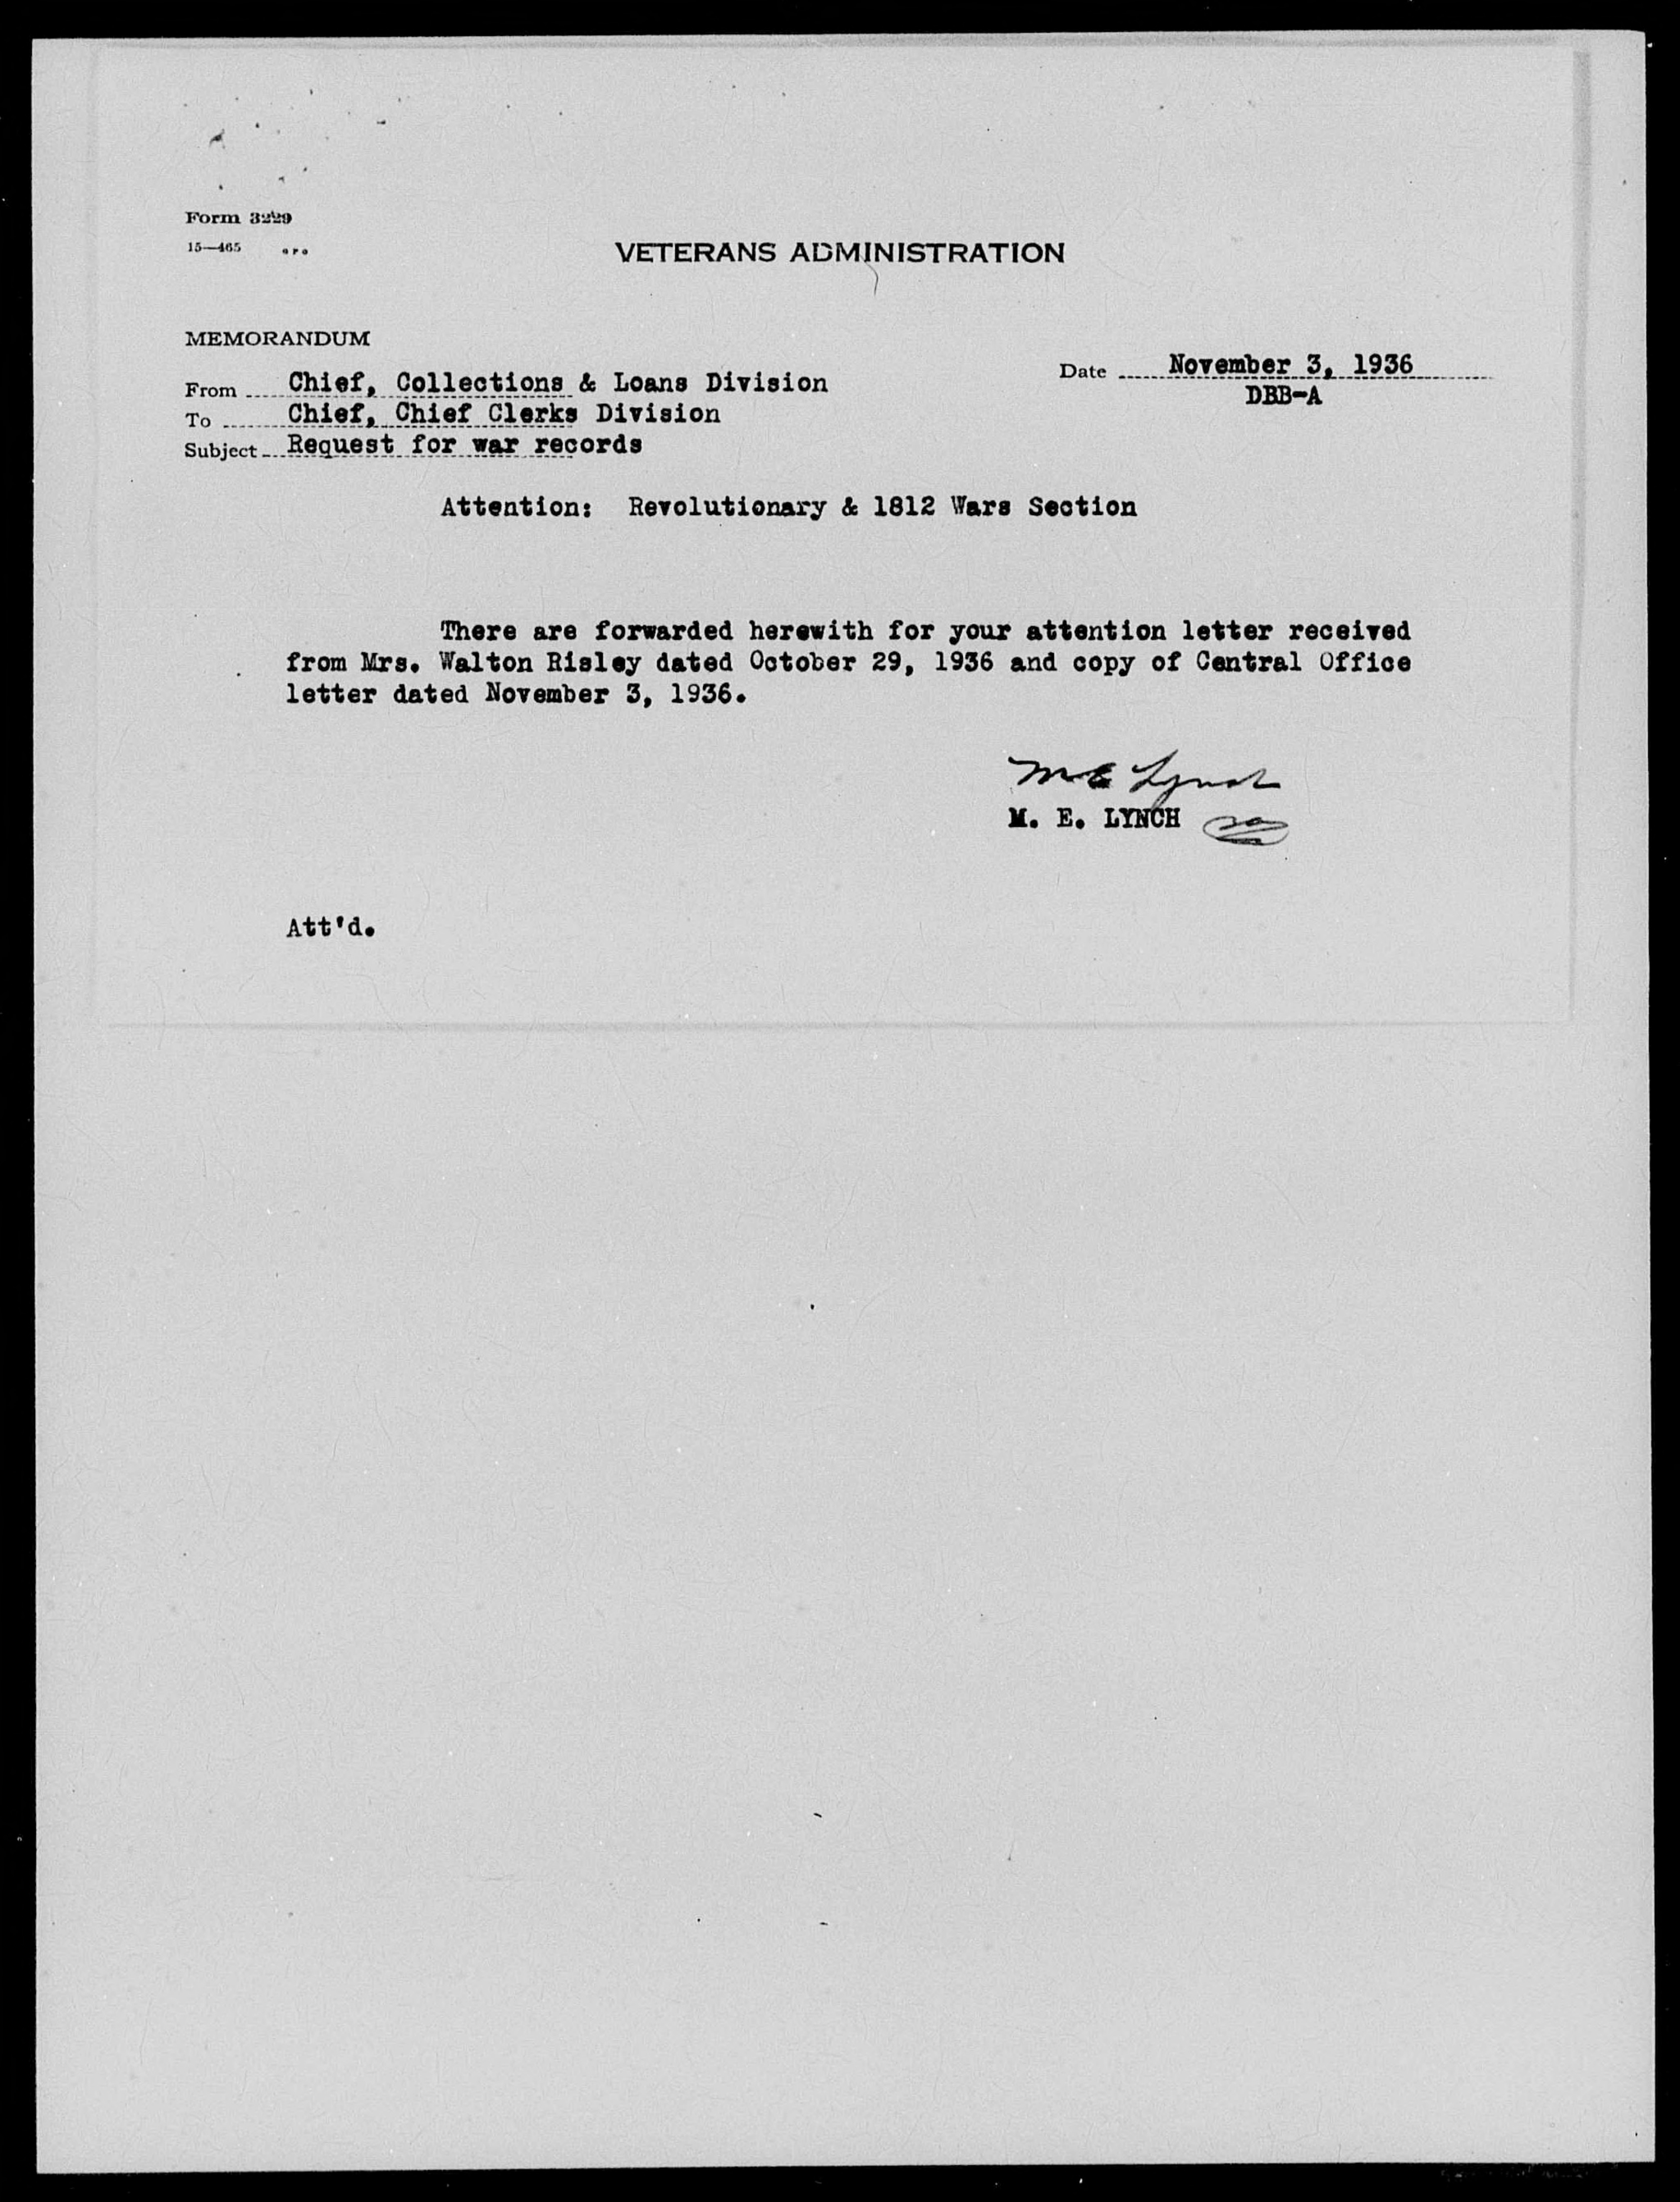FORM 3229
15 465

VETERANS ADMINISTRATION

MEMORANDUM

FROM  Chief, Collections & Loans Division
TO  Chief, Chief Clerks Division
Subject  Request for war records

Date  November 3, 1936
DBB-A

Attention: Revolutionary & 1812 Wars Section

There are forwarded herewith for your attention letter received from Mrs. Walton Risley dated October 29, 1936 and copy of Central Office letter dated November 3, 1936.

[Signature]
M E Lynch
[Typed]
M.E. LYNCH [initials illegible]


Att'd.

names: Walton Risley; M E Lynch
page: 24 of 38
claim: survivor's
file: S 31817, for James Leeds, New Jersey